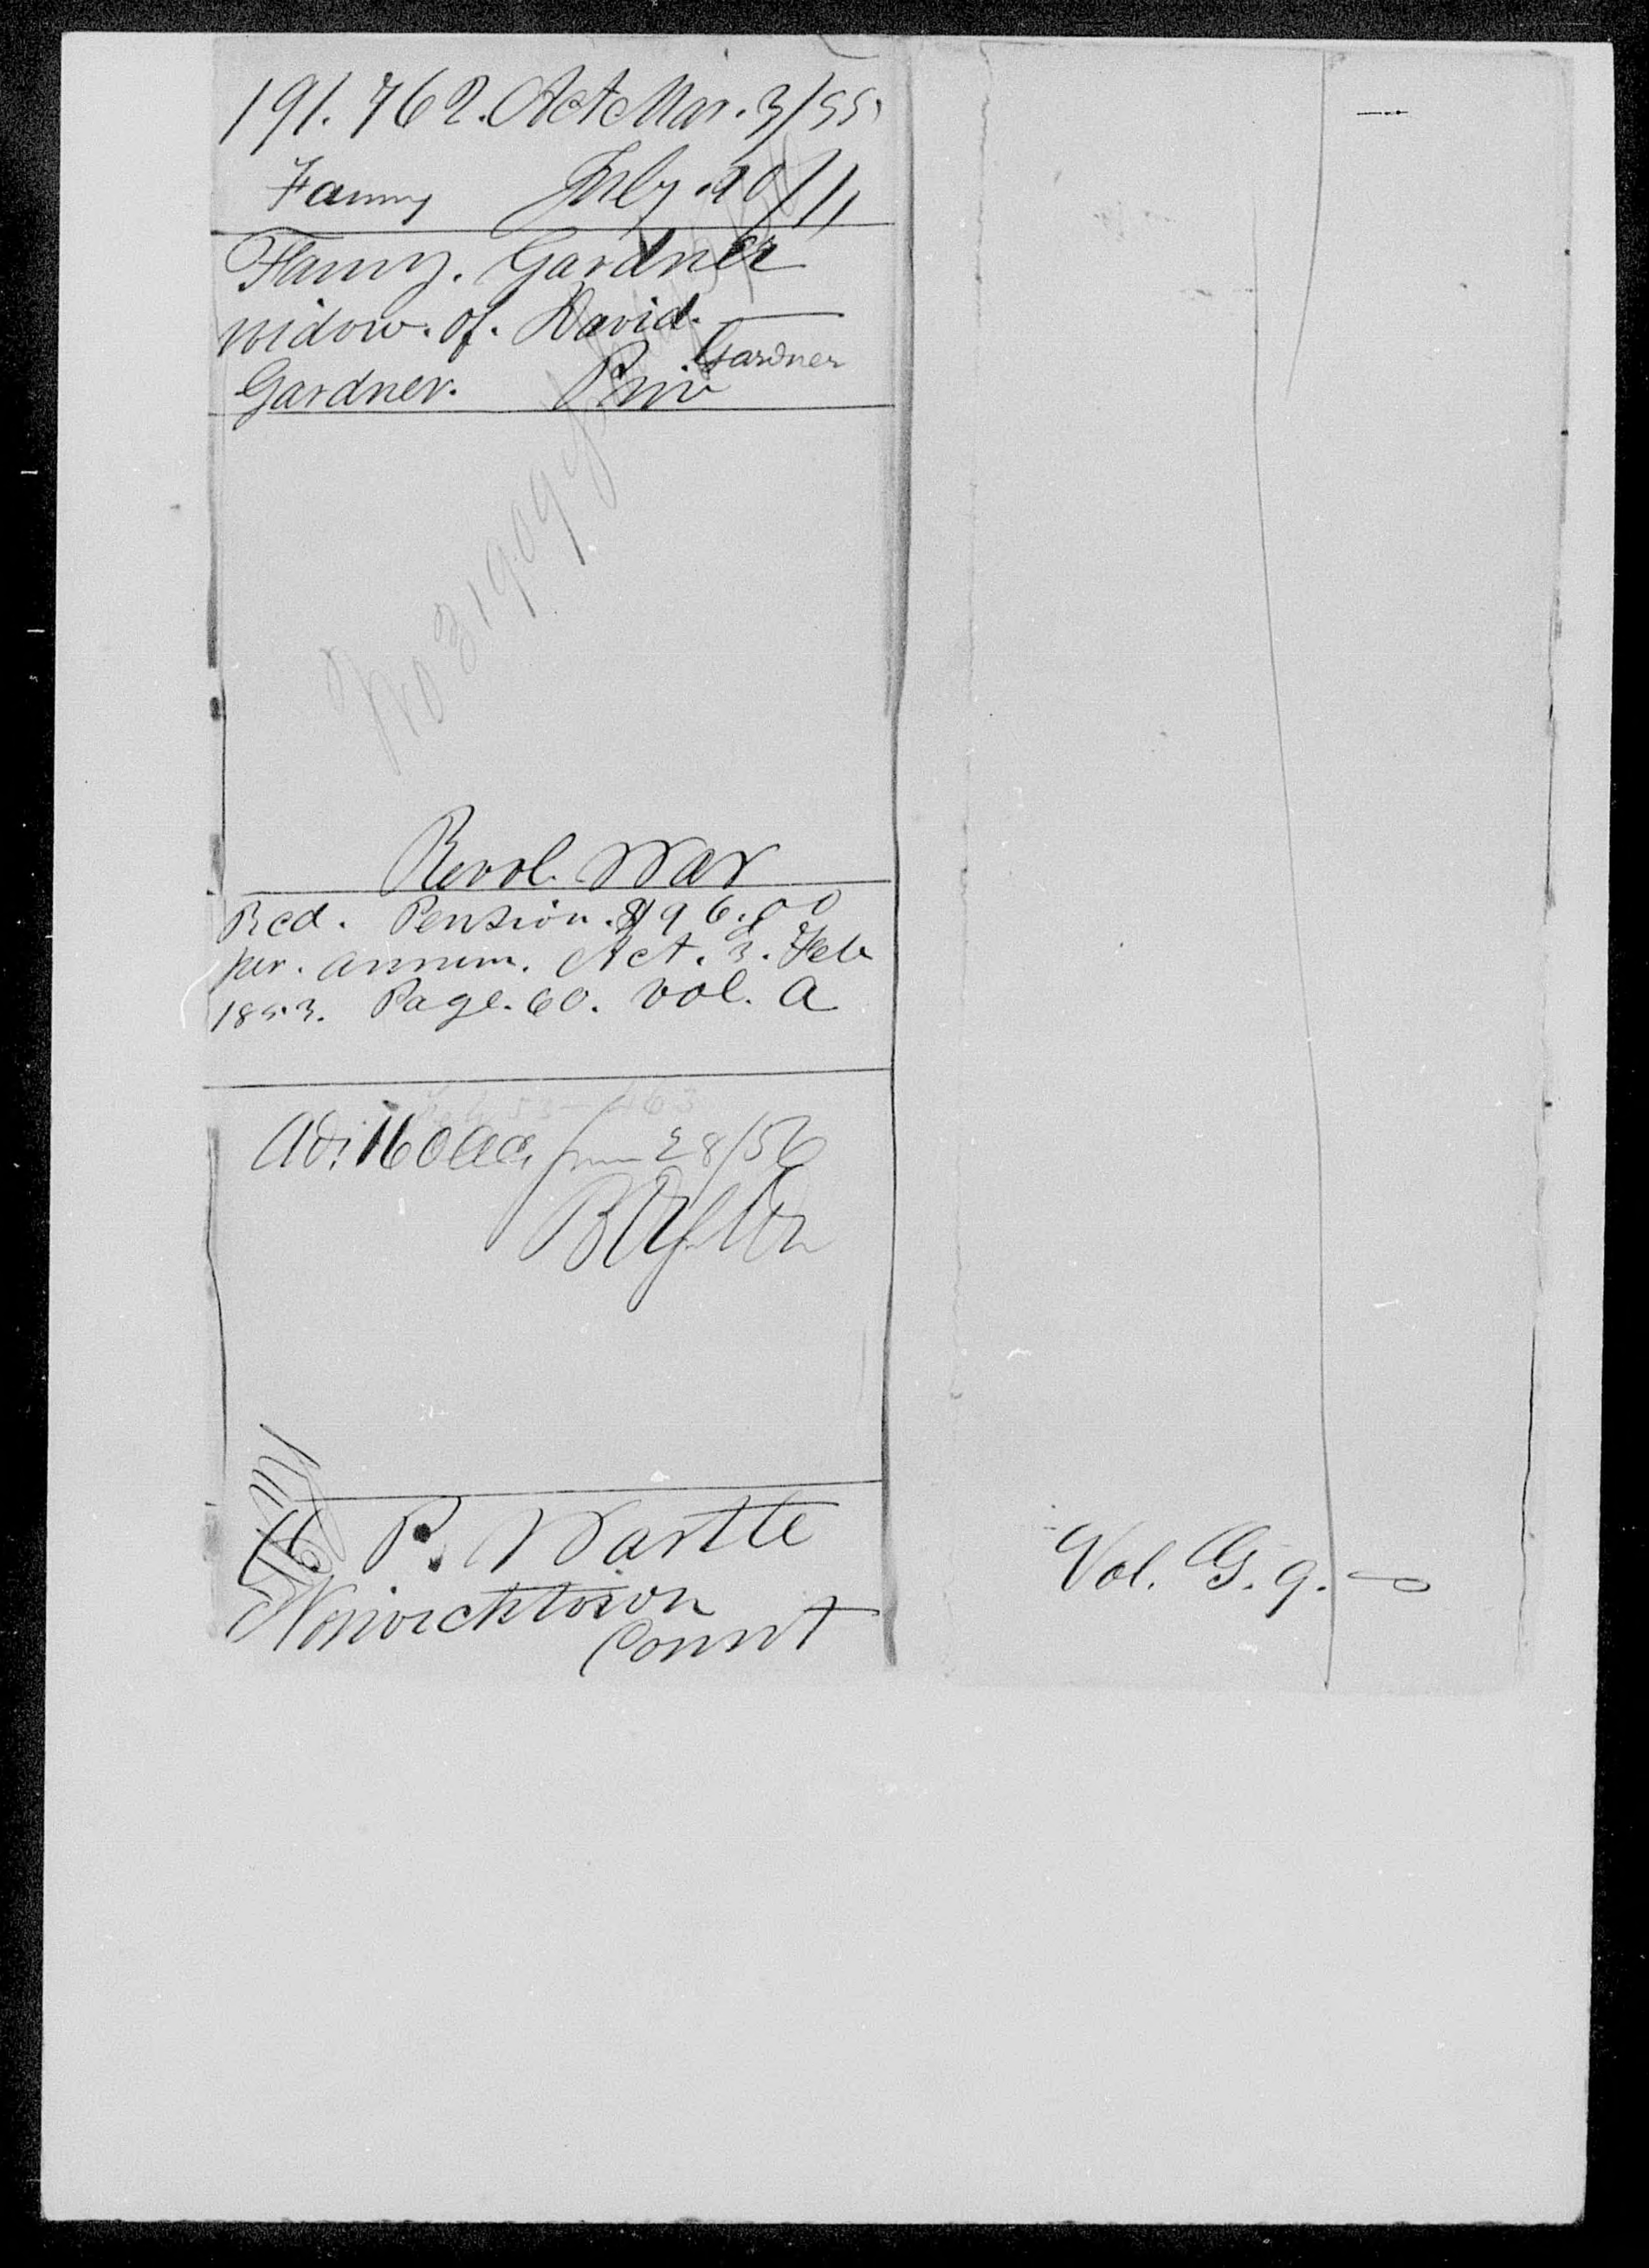191.762. Act Mar.3/55
Fanny
July '90

Fanny Gardner
Widow of David Gardner 
Gardner Priv.

[diagonal writing]
No 31909 of July 5/56

Revol. War
Rcd. Pension $96.00
per annum, Act 3 Feb
1853. Page 60. Vol. A
adj 160 ac. from 28/56
Boynton
O. P. Wattle
Norwichtown Connt

Vol. G. 9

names: David Gardner, Boynton, O P Wattle, Fanny Gardner, Gardner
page: 4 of 66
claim: widow's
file: W 1850, David Gardner, Conn.